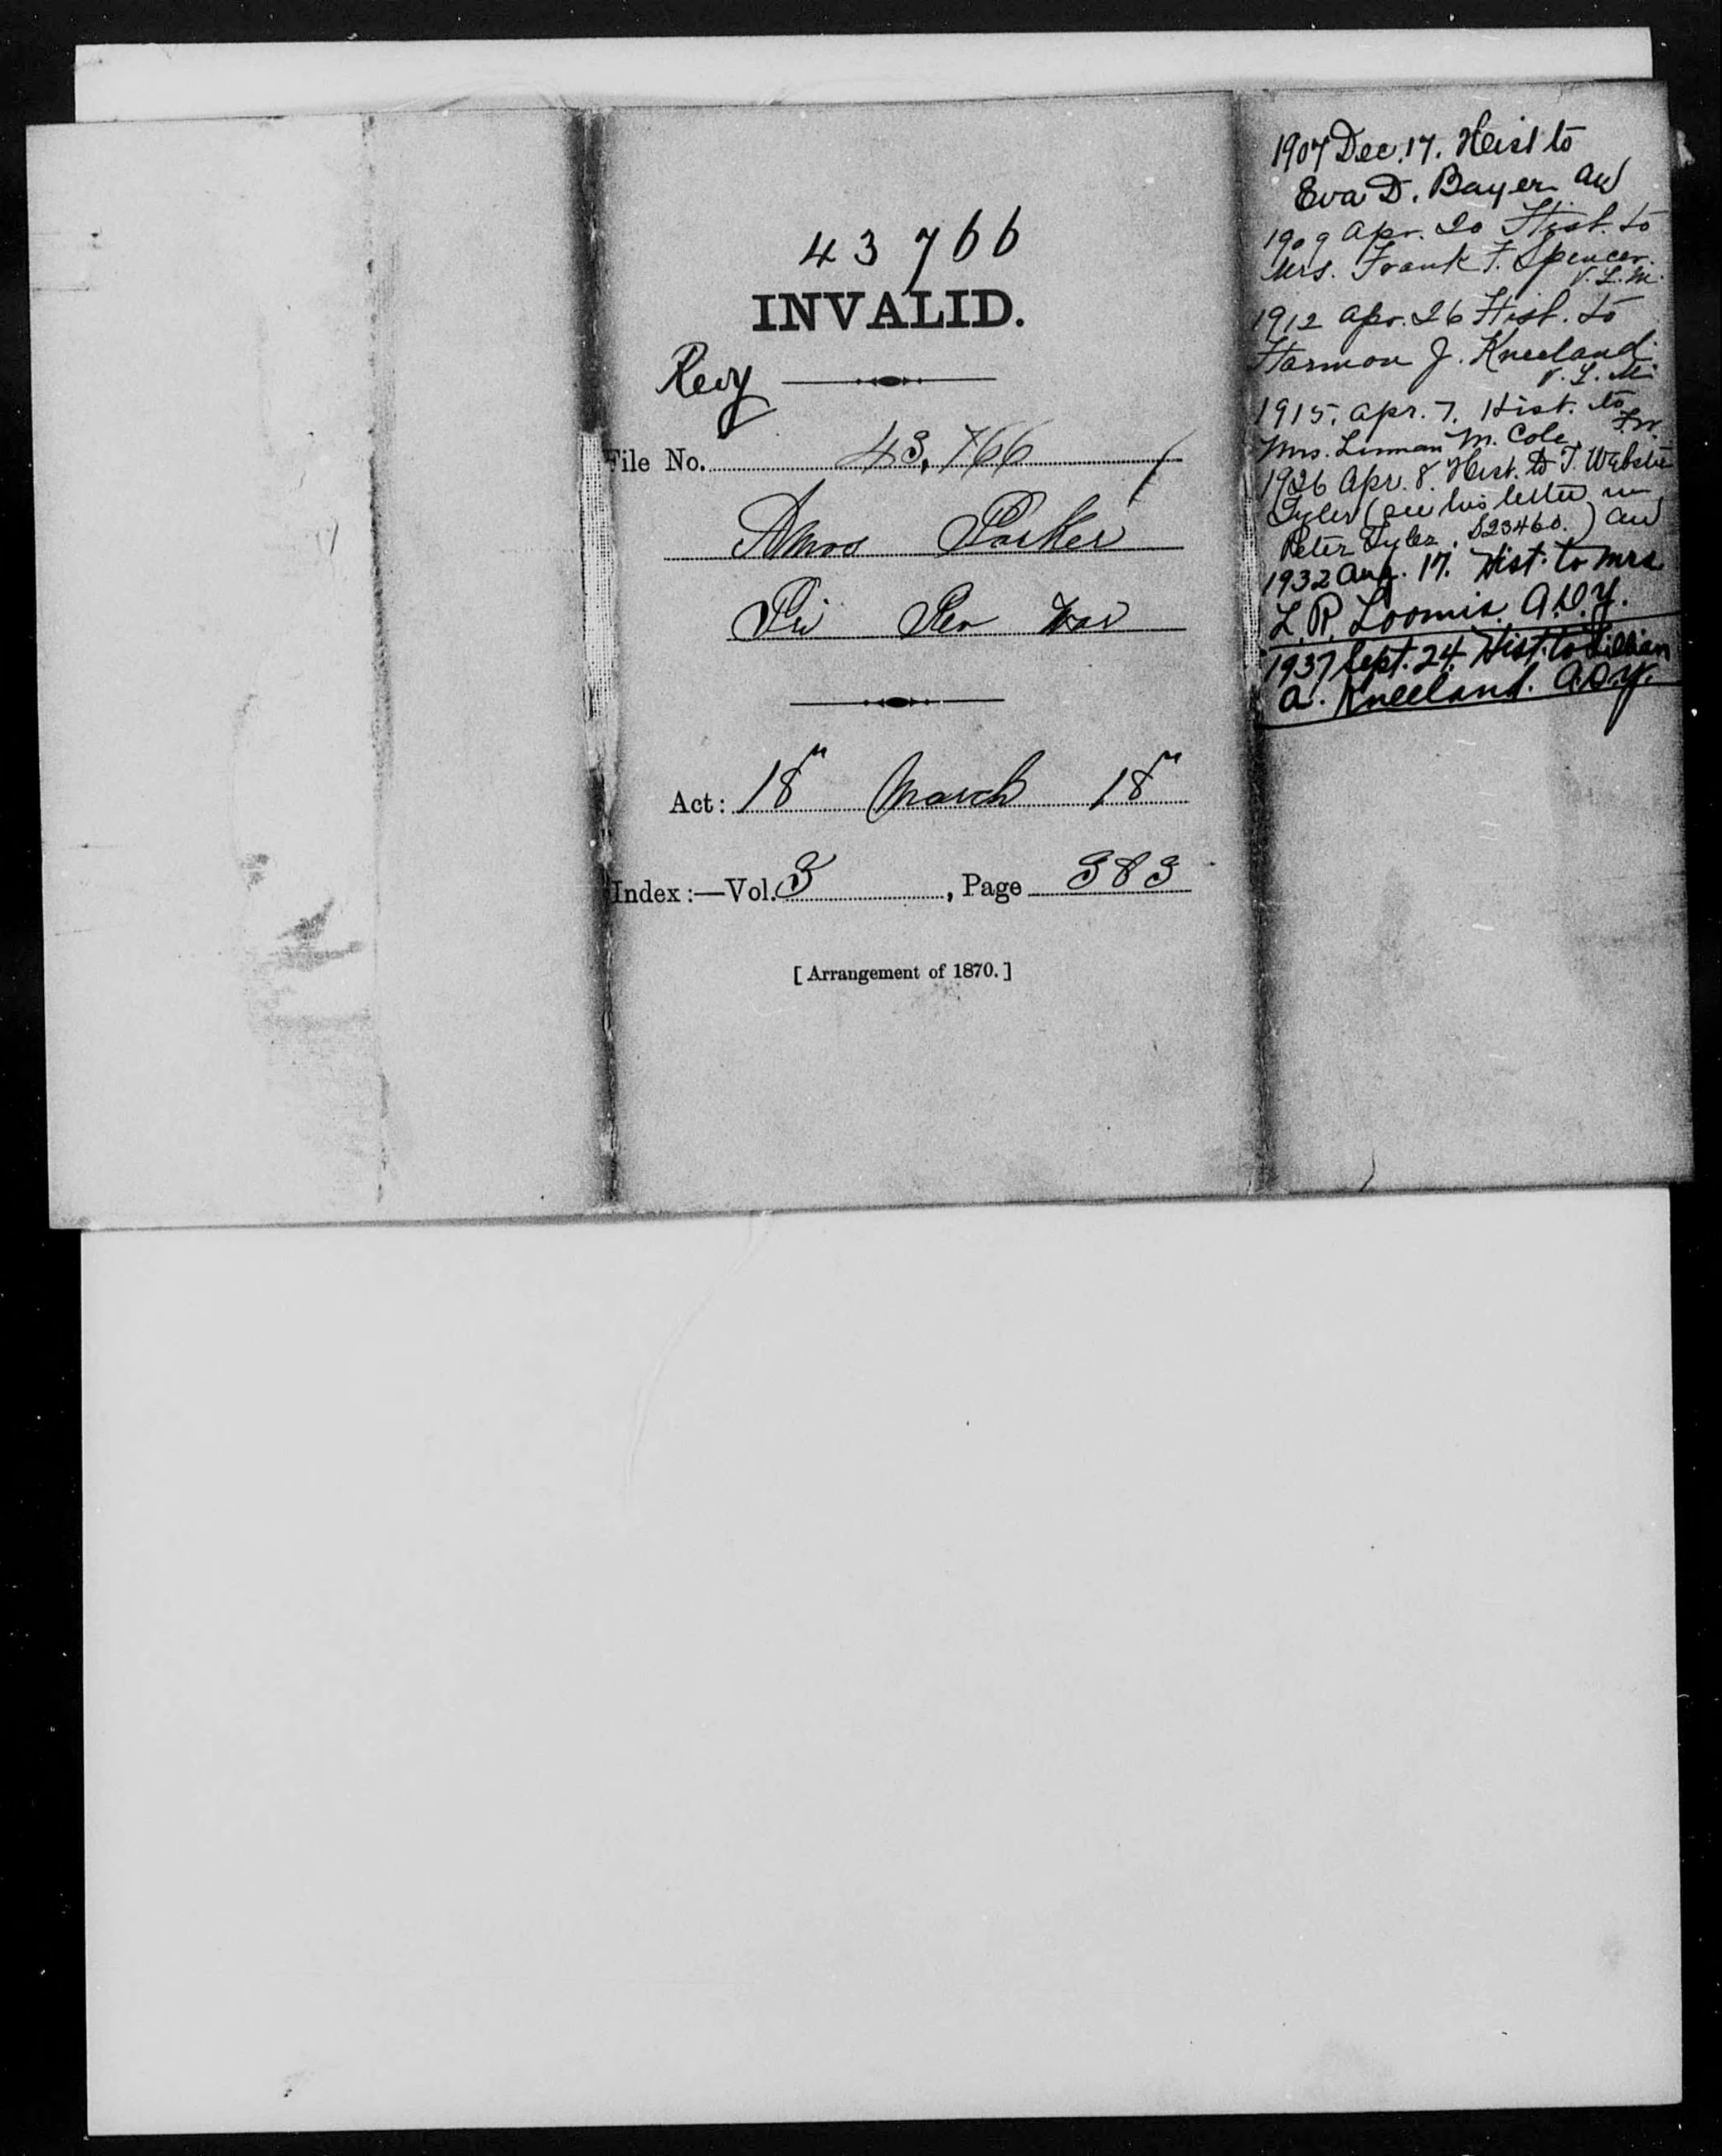43766
INVALID
Revy
File No. 43.766
Amos Parker
Pri Rev War
Act: 18th March 18" 
Index: -- Vol. 3, Page 383
[Arrangement of 1870.]
1907 Dec. 17. Hist. to
Eva D. Bayer AW
1909 Apr. 20 Hist. to 
Mrs. Frank J. Spencer
V.L.M.
1912 Apr. 26 Hist. to
Harmon J. Kneeland
V.L.M.
1915, Apr. 7. Hist. to 
Mrs. Leman M. Cole L.W.
1926 Apr. 8. Hist. to T. Webster
Tyler (see his letter, in 
Peter Tyler S23460) AW
1932 Aug. 17 Hist. to Mrs
L R Loomis, A.D.Y.
1937 Sept. 24 Hist. to Lillian 
A. Kneeland A.D.Y.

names: Luman M Cole; Frank F Spencer; T Webster Tyler; Peter Tyler; L R Loomis; Amos Parker; Lillian A Kneeland; Harmon J Kneeland; Eva D Bayer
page: 13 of 31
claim: survivor's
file: S. 43766, for Amos Parker, Connecticut